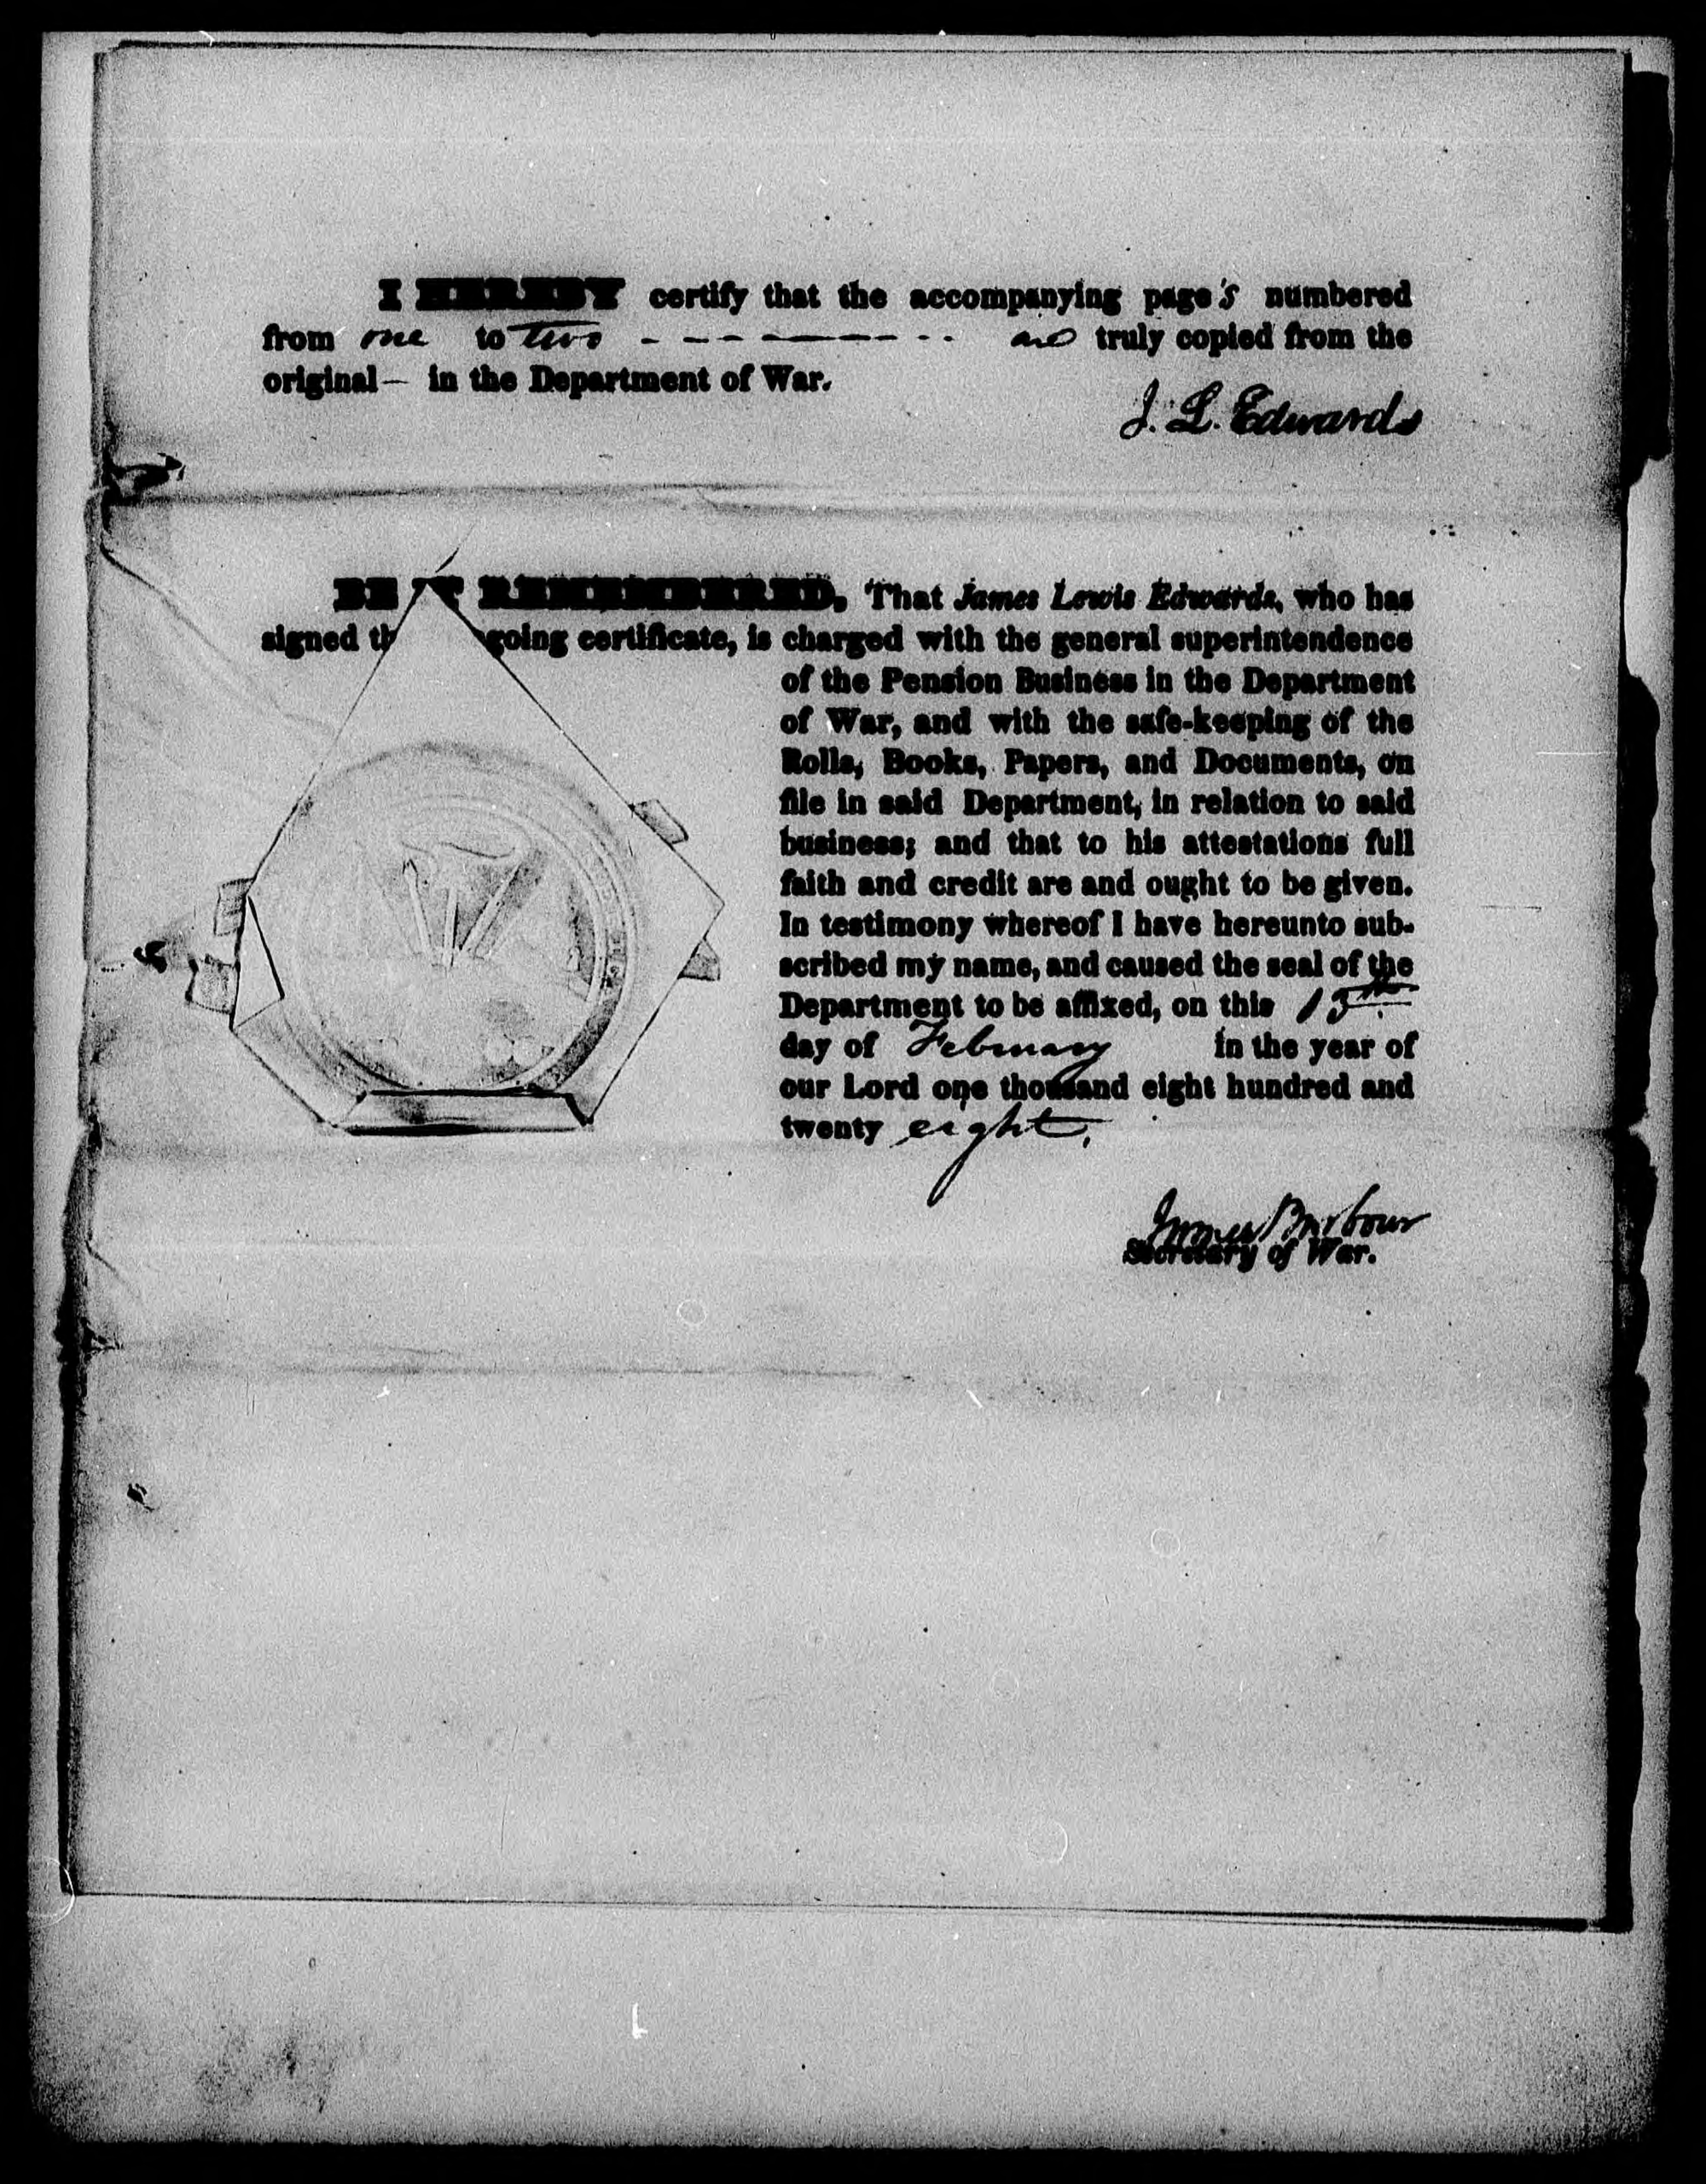I HEREBY certify that the accompanying pages number from one to two are truly copied from the original in the Department of War. J. L. Edwards

BE IT REMEMBERED, That James Lewis Edwards, who has signed the foregoing certificate, is charged with the general superintendence of the Pension Business in the Department of War, and with the safe-keeping of the Rolls, Books, Papers, and Documents, on file in said Department, in relation to said business; and that to his attestations full faith and credit are and ought to be given. In testimony whereof I have hereunto subscribed my name, and caused the seal of the Department to be affixed, on this 15th day of February in the year of our Lord one thousand eight hundred and twenty eight. James Barbour Secretary of War.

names: James Lewis Edwards, J L Edwards, James Barbour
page: 16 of 29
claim: survivor's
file: S. 38679, Nathaniel Elliot, Continental R.I.